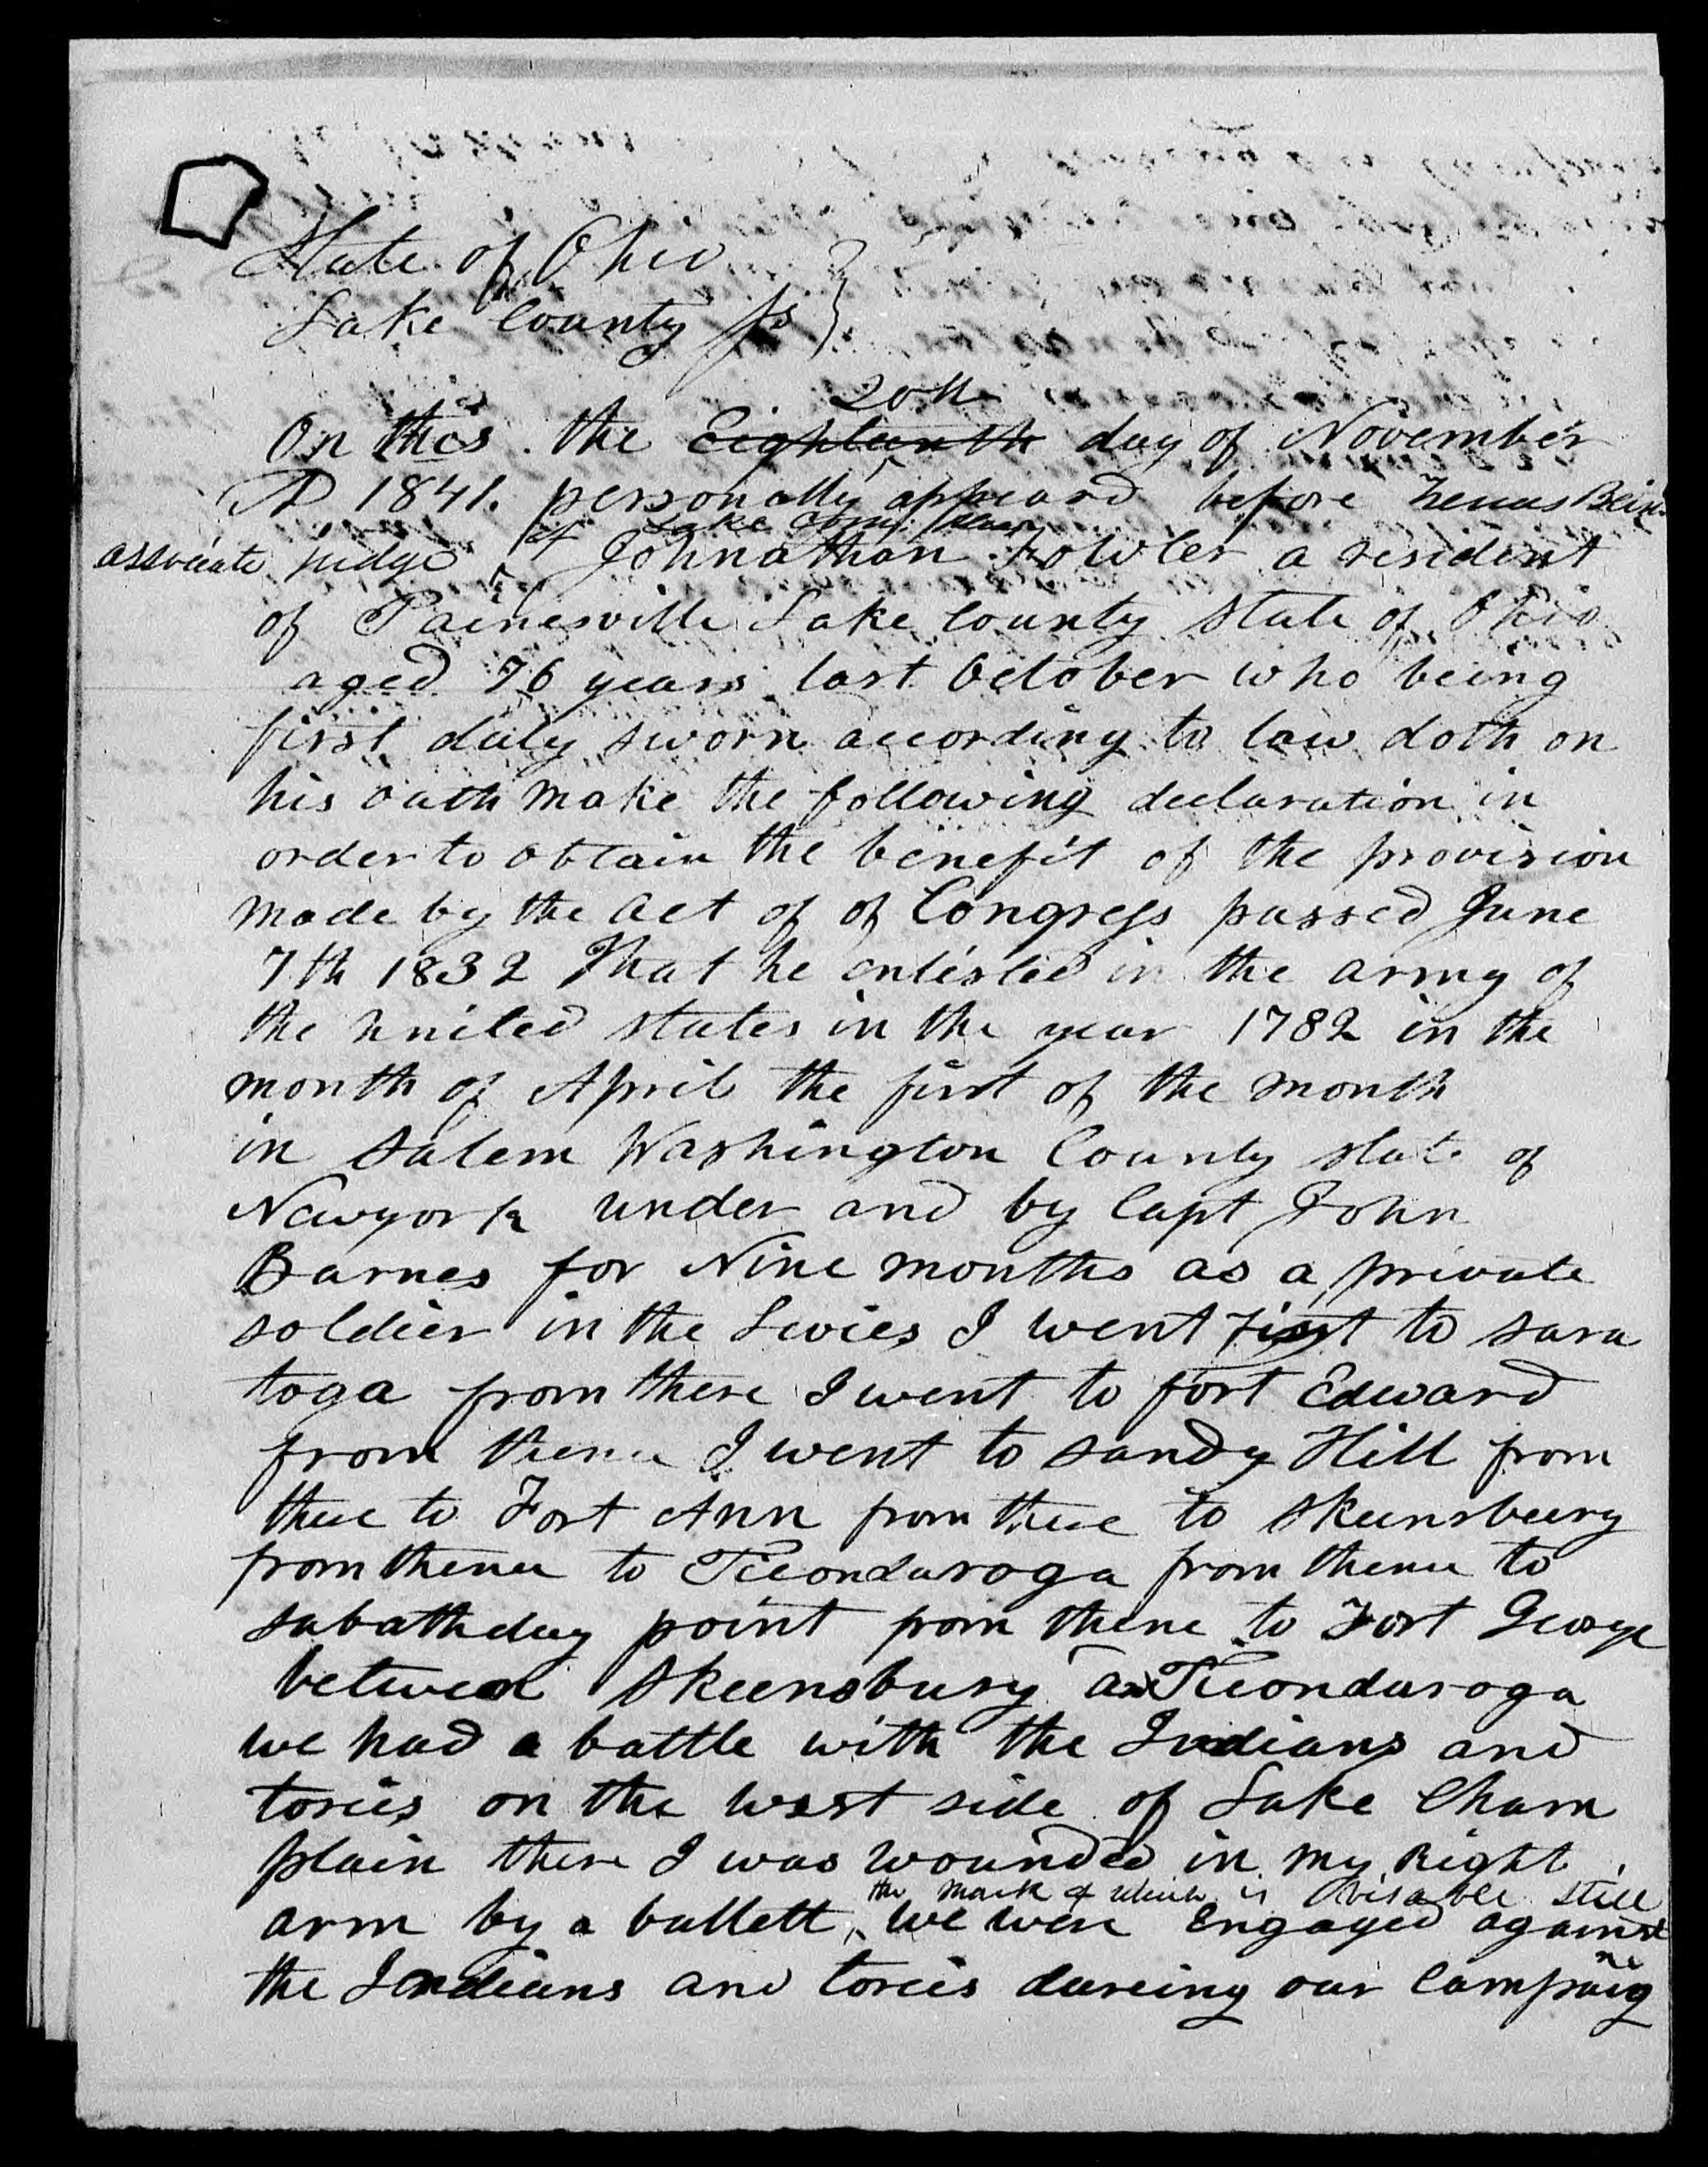State of Ohio Lake County ss
On this the 20th day of  November AD 1841, personally appeared before [illegible] [illegible] associate judge of Lake Com. Pleas, Johnathan Fowler a resident of Painesville Lake County state of Ohio aged 76 years last October who being first duly sworn according to law doth on his oath make the following declaration in order to obtain the benefit of the provision made by the act of of Congress passed June 7th 1832. That he enlisted in the army of the United States in the year 1782 in the month of April the first of the month in Salem Washington County state of New York under and by Capt. John Barnes for nine months as a private soldier in the Levies. I went first to Saratoga from there I went to Fort Edward from thence I went to Sandy Hill from there to Fort Ann from there to Skeensburg from thence to Ticondaroga from thence to Sabathday Point from there to Fort George between Skeensbury and Ticondaroga. We had a battle with the Indians and tories on the west side of Lake Champlain. There I was wounded in my right arm by a bullett the mark of which is visable still. We were engaged against the Indians and tories during our campaign.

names: Jonathan Fowler, John Barnes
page: 4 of 44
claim: survivor's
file: S. 23639, Jonathan Fowler, New York